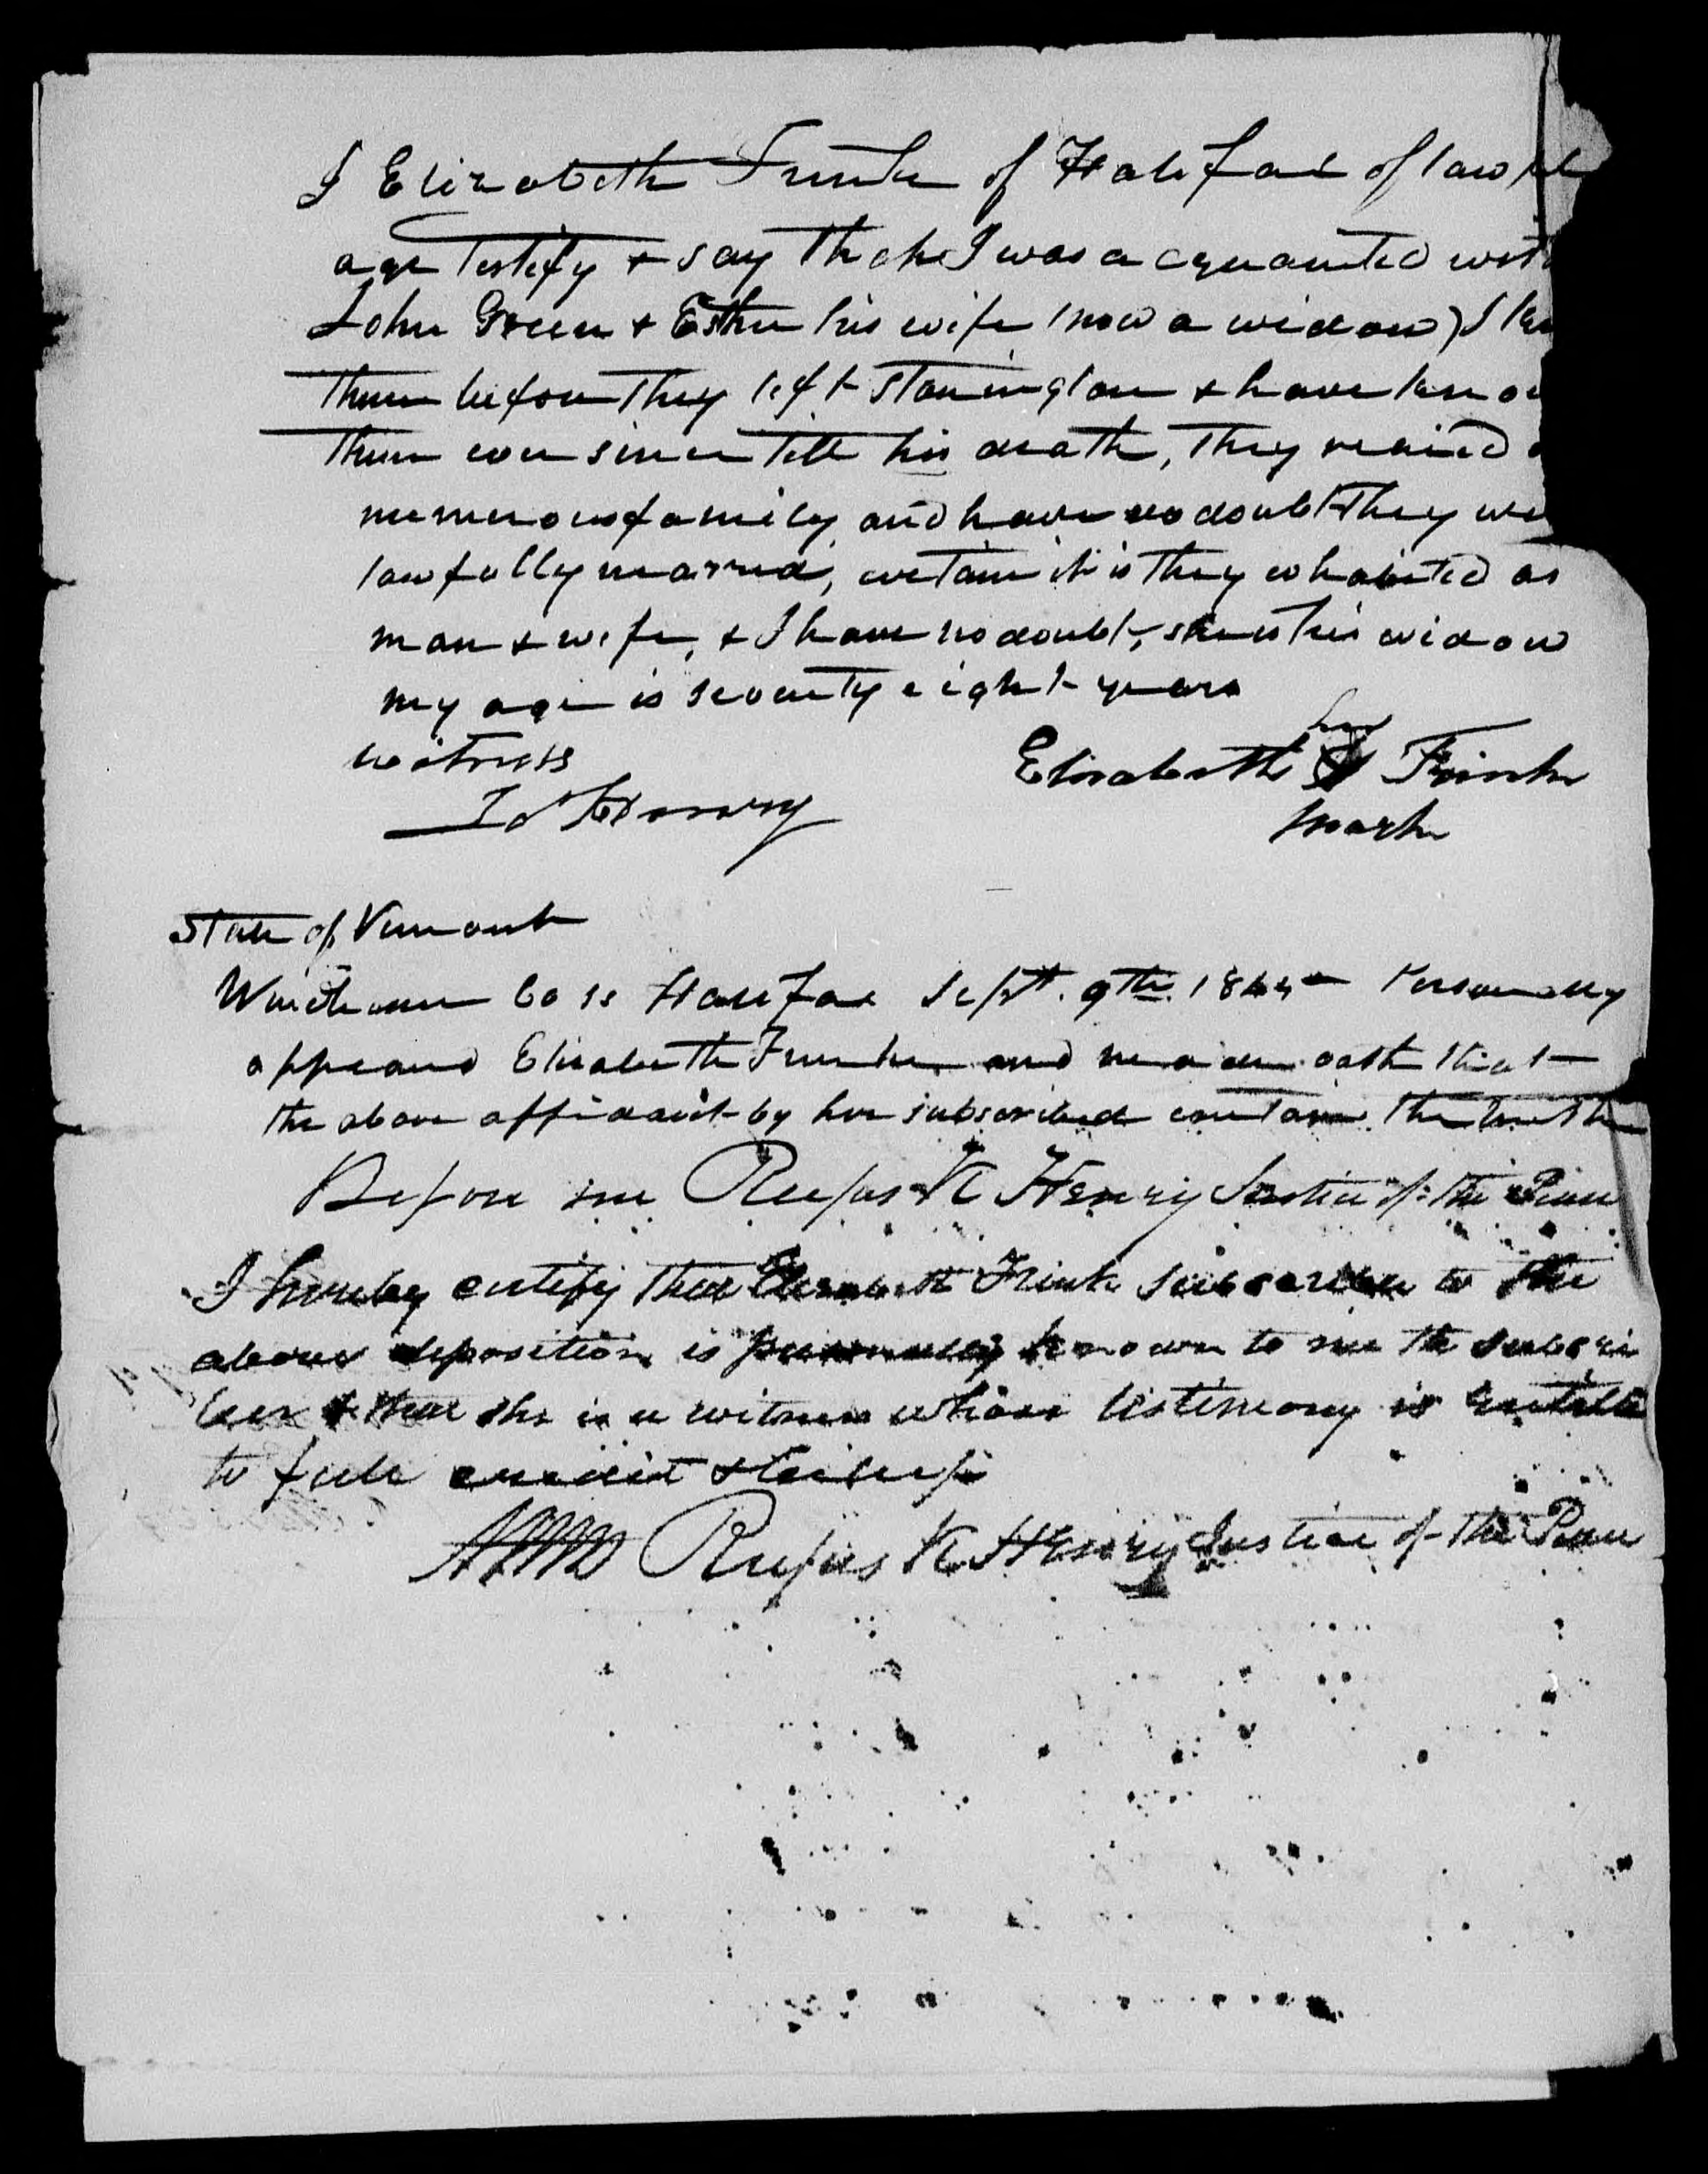I Elizabeth Frink of Halifax of lawful
age testify and say that I was acquainted with John Green and Esther his wife now a widow. I knew them before they left Stonington and have known of them ever since til his death they remained a 
---- family and have no doubt they were
lawfully married, certain it is they so habited as
man & wife and I have no doubt should this widow
my age is seventy eight years
witness.   Elizabeth Frink, Mark
----
State of Vermont
Windham Co -- Halifax Sept 9th 1844 personally
appears Elizabeth [Frink] and maintains the oath that the above affidavit by her subscribed court --- --- ---
Before me Rufus N Henry Justice of the Peace
I hereby certify that Elizabeth Frink subscribes to the above deposition, is personally here ---
that this is a witness whose testimony is essential to ---- evident ----
Rufus K Henry Justice of the Peace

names: Elizabeth Frink, Esther Green, John Green, Rufus K Henry, Elizabeth Frink, Elizabeth Frink, Elizabeth Frinke, Jos Henry, Rufus K Henry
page: 31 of 40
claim: rejected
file: R. 4251, John Green, Conn.